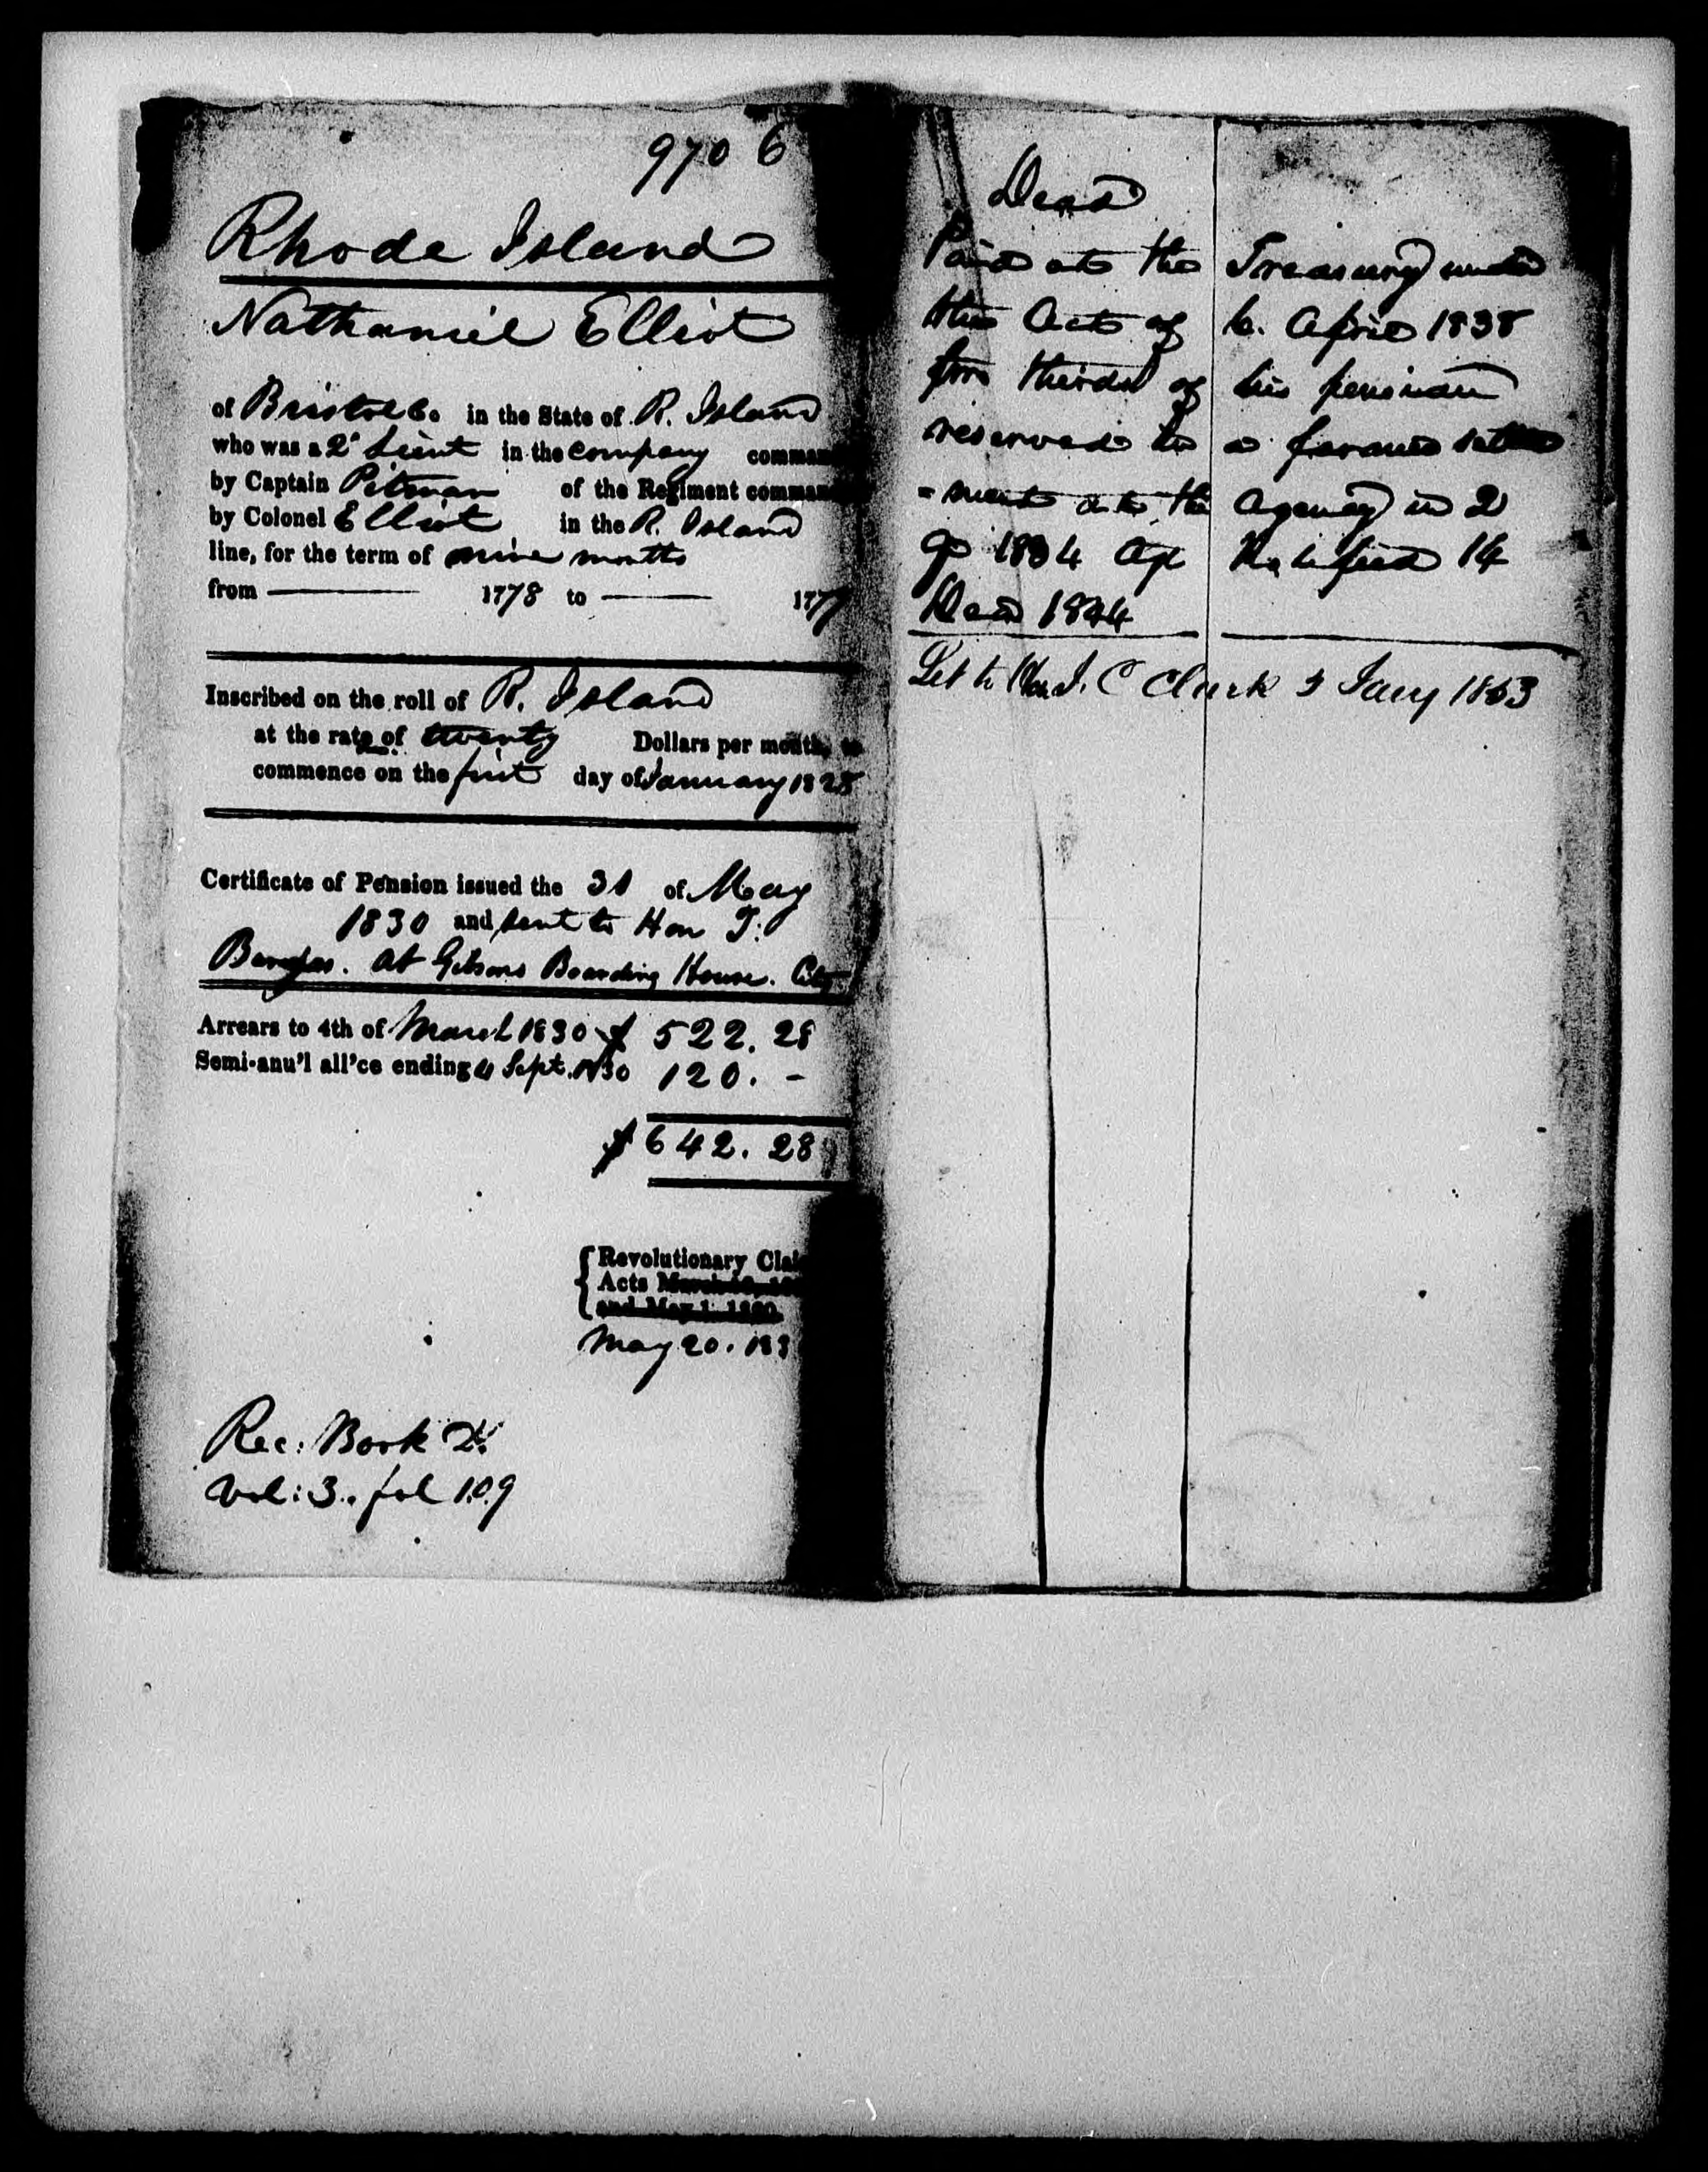[left page]
9706
Rhode Island
Nathaniel Elliot
of Bristol in the State of R. Island
who was a 2” Lieut. in the company commanded
by Captain Pitman of the Regiment commanded 
by Colonel Elliott in the R. Island
line, for the term of nine months
from - 1778 to 1779
Inscribed on the roll of R. Island
at the rate of twenty Dollars per month to 
commence on the first day of January 1828
Certificate of Pension issued the 31 of May
1830 and sent to Hon T.
Burges, at Gibson’s Boarding House. City
Arrears to 4th of March 1830 $522.28
Semi-anu'l all'ce ending 4 Sept – 1830 120.-
[underline]
$642.28
{Revolutionary Claim Acts May 20 183[illegible]
Rec. Book 2
Vol. 3. fol 109
[right page]
Dead
Paid at the Treasury under the Acts of C. April 1838
Two thirds of his pension
reserved to a [illegible]
[illegible] the Agency in 2
[illegible] 1884 Agt. notified 14
Dec 1844
Let to Hon. C. Clark 3 Jany 1863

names: J C Clark, Elliot, Nathaniel Elliot, T Burges, Pitman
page: 2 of 29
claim: survivor's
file: S. 38679, Nathaniel Elliot, Continental R.I.